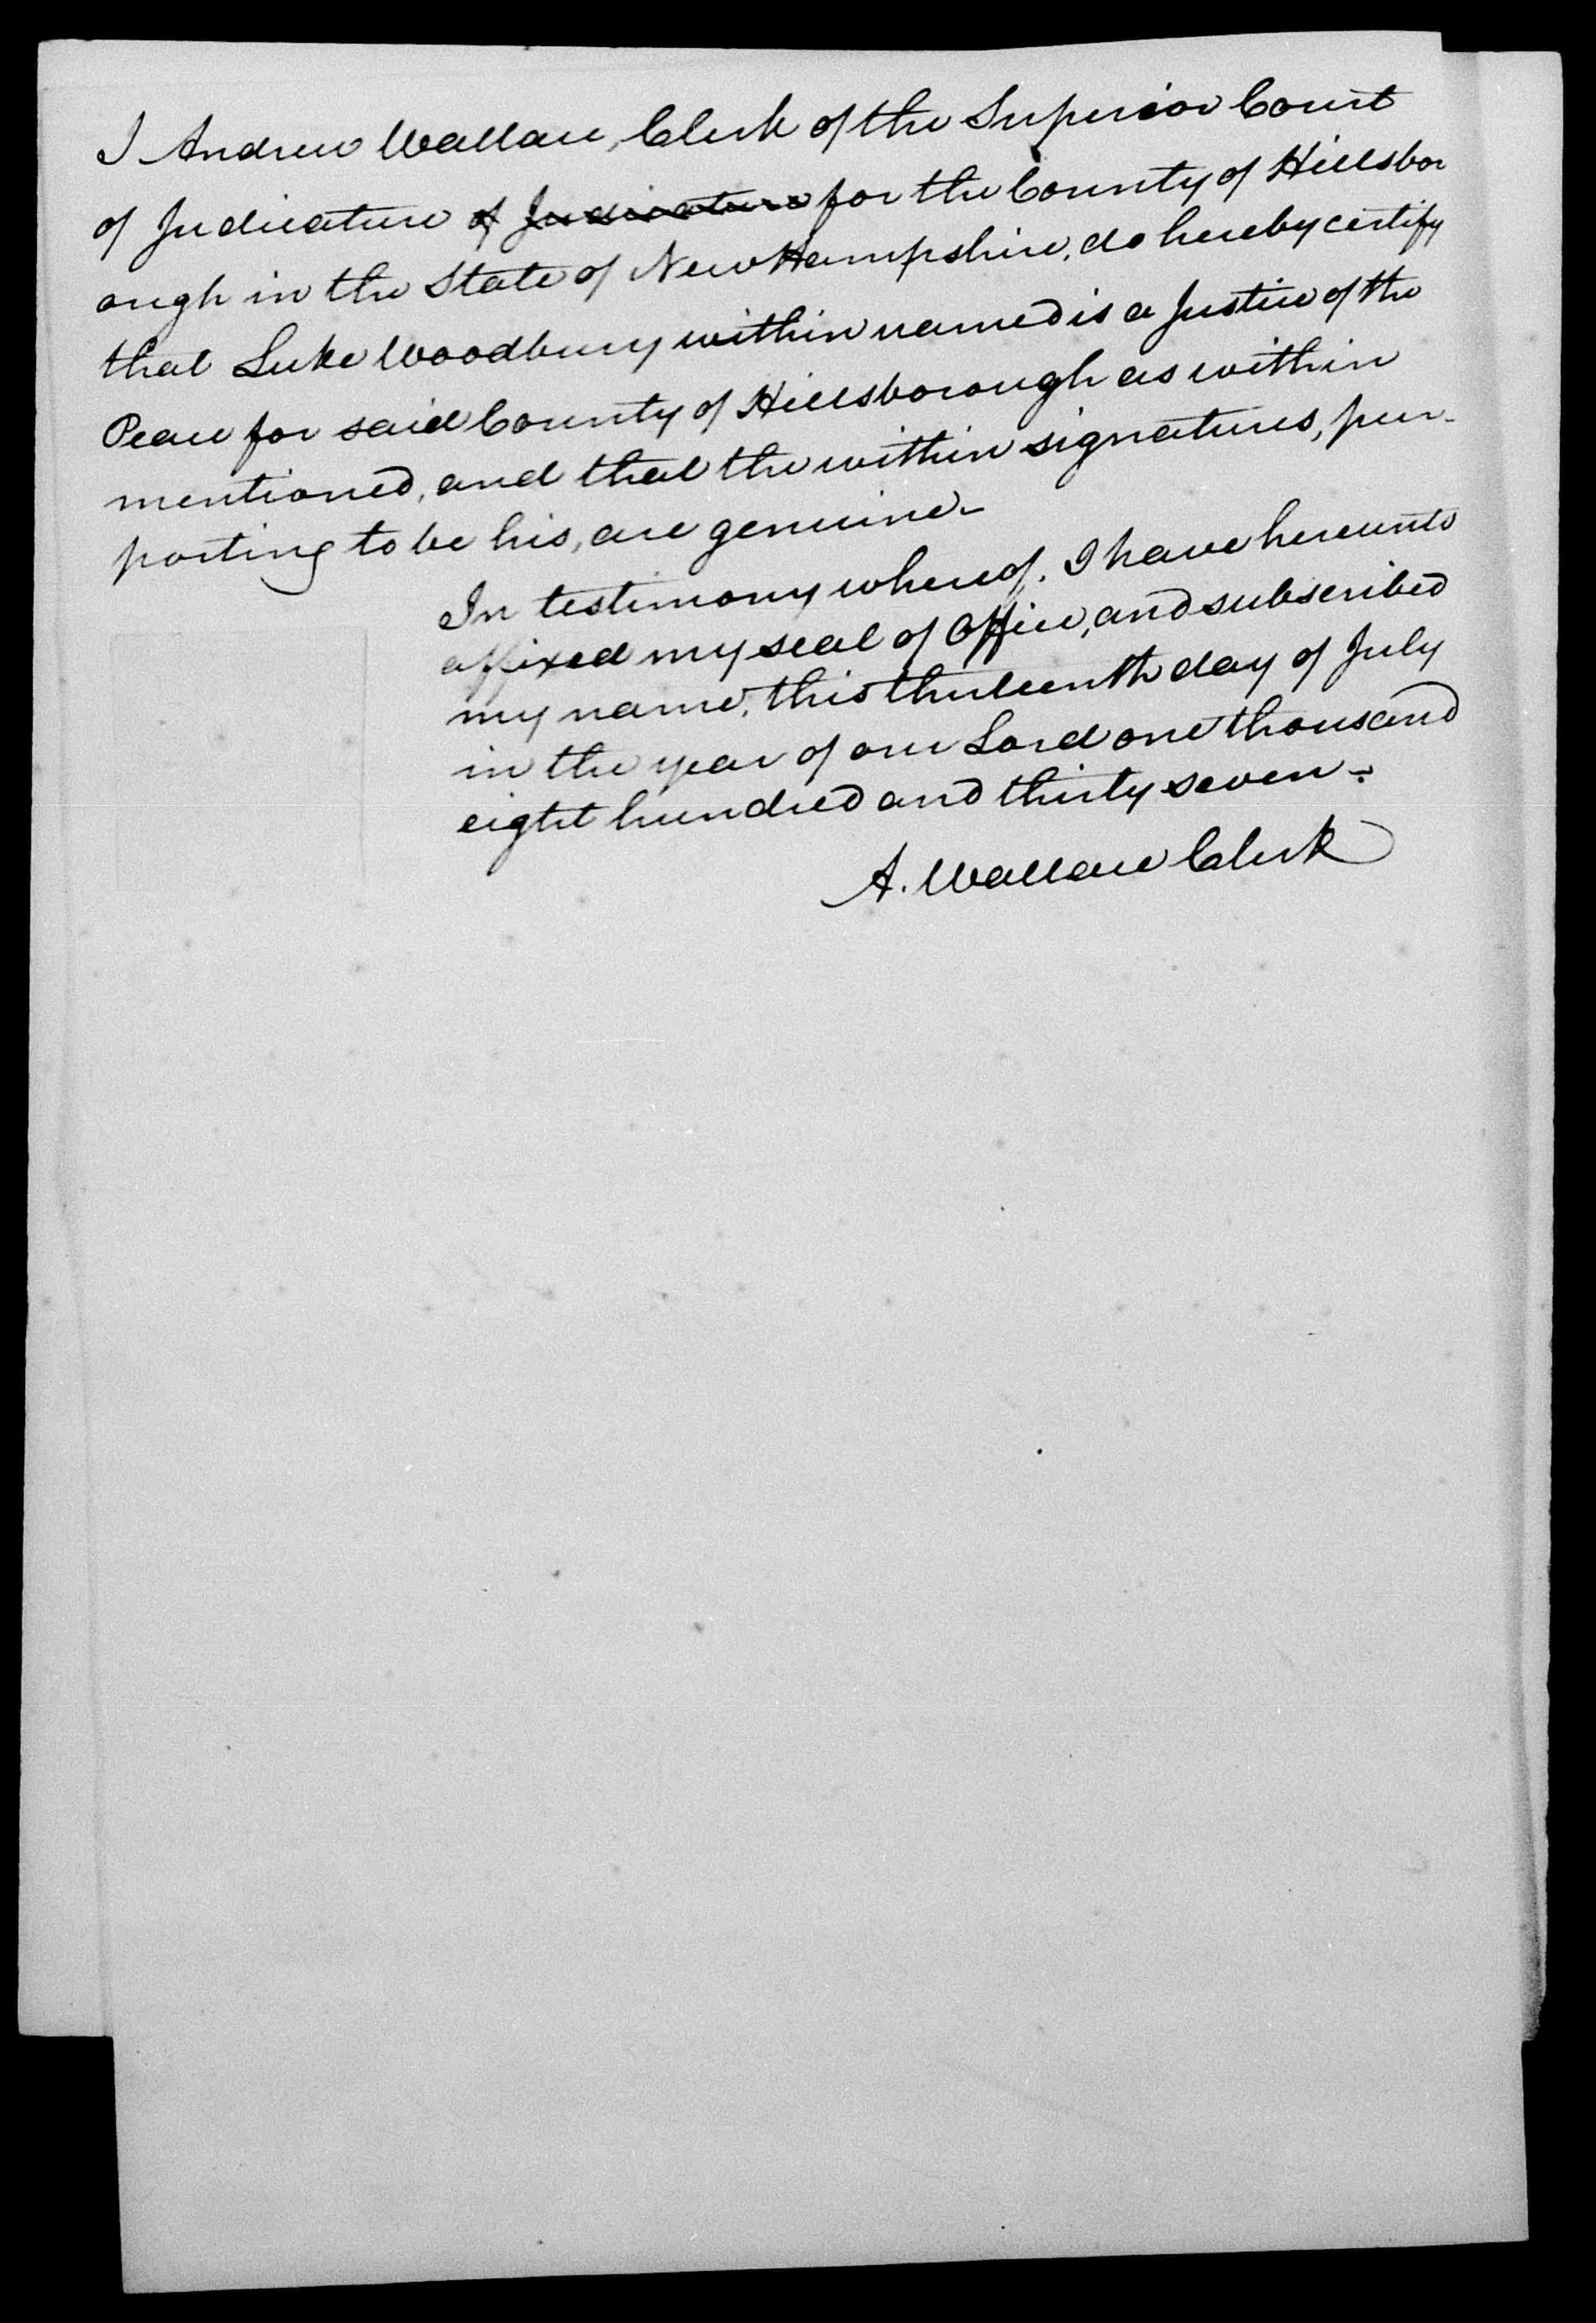I Andrew Wallace Clerk of the Superior Court of Judicature [a second "of Judicature" stricken out] for the County of Hillsborough in the State of New Hampshire, do hereby certify that Luke Woodbury within named is a Justice of the Peace for said County of Hillsborough as within mentioned, and that the within signatures, purporting to be his, are genuine--

In testimony whereof, I have hereunto affixed my seal of Office, and subscribed my name, this thirteenth day of July in the year of our Lord one thousand eight hundred and thirty seven--
A. Wallace  Clerk

[illegible seal affixed to the left of the above paragraph]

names: Luke Woodbury, Andrew Wallace, A Wallace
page: 15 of 18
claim: widow's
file: W. 21,147, Nehemiah French, Mass. Or N.H.